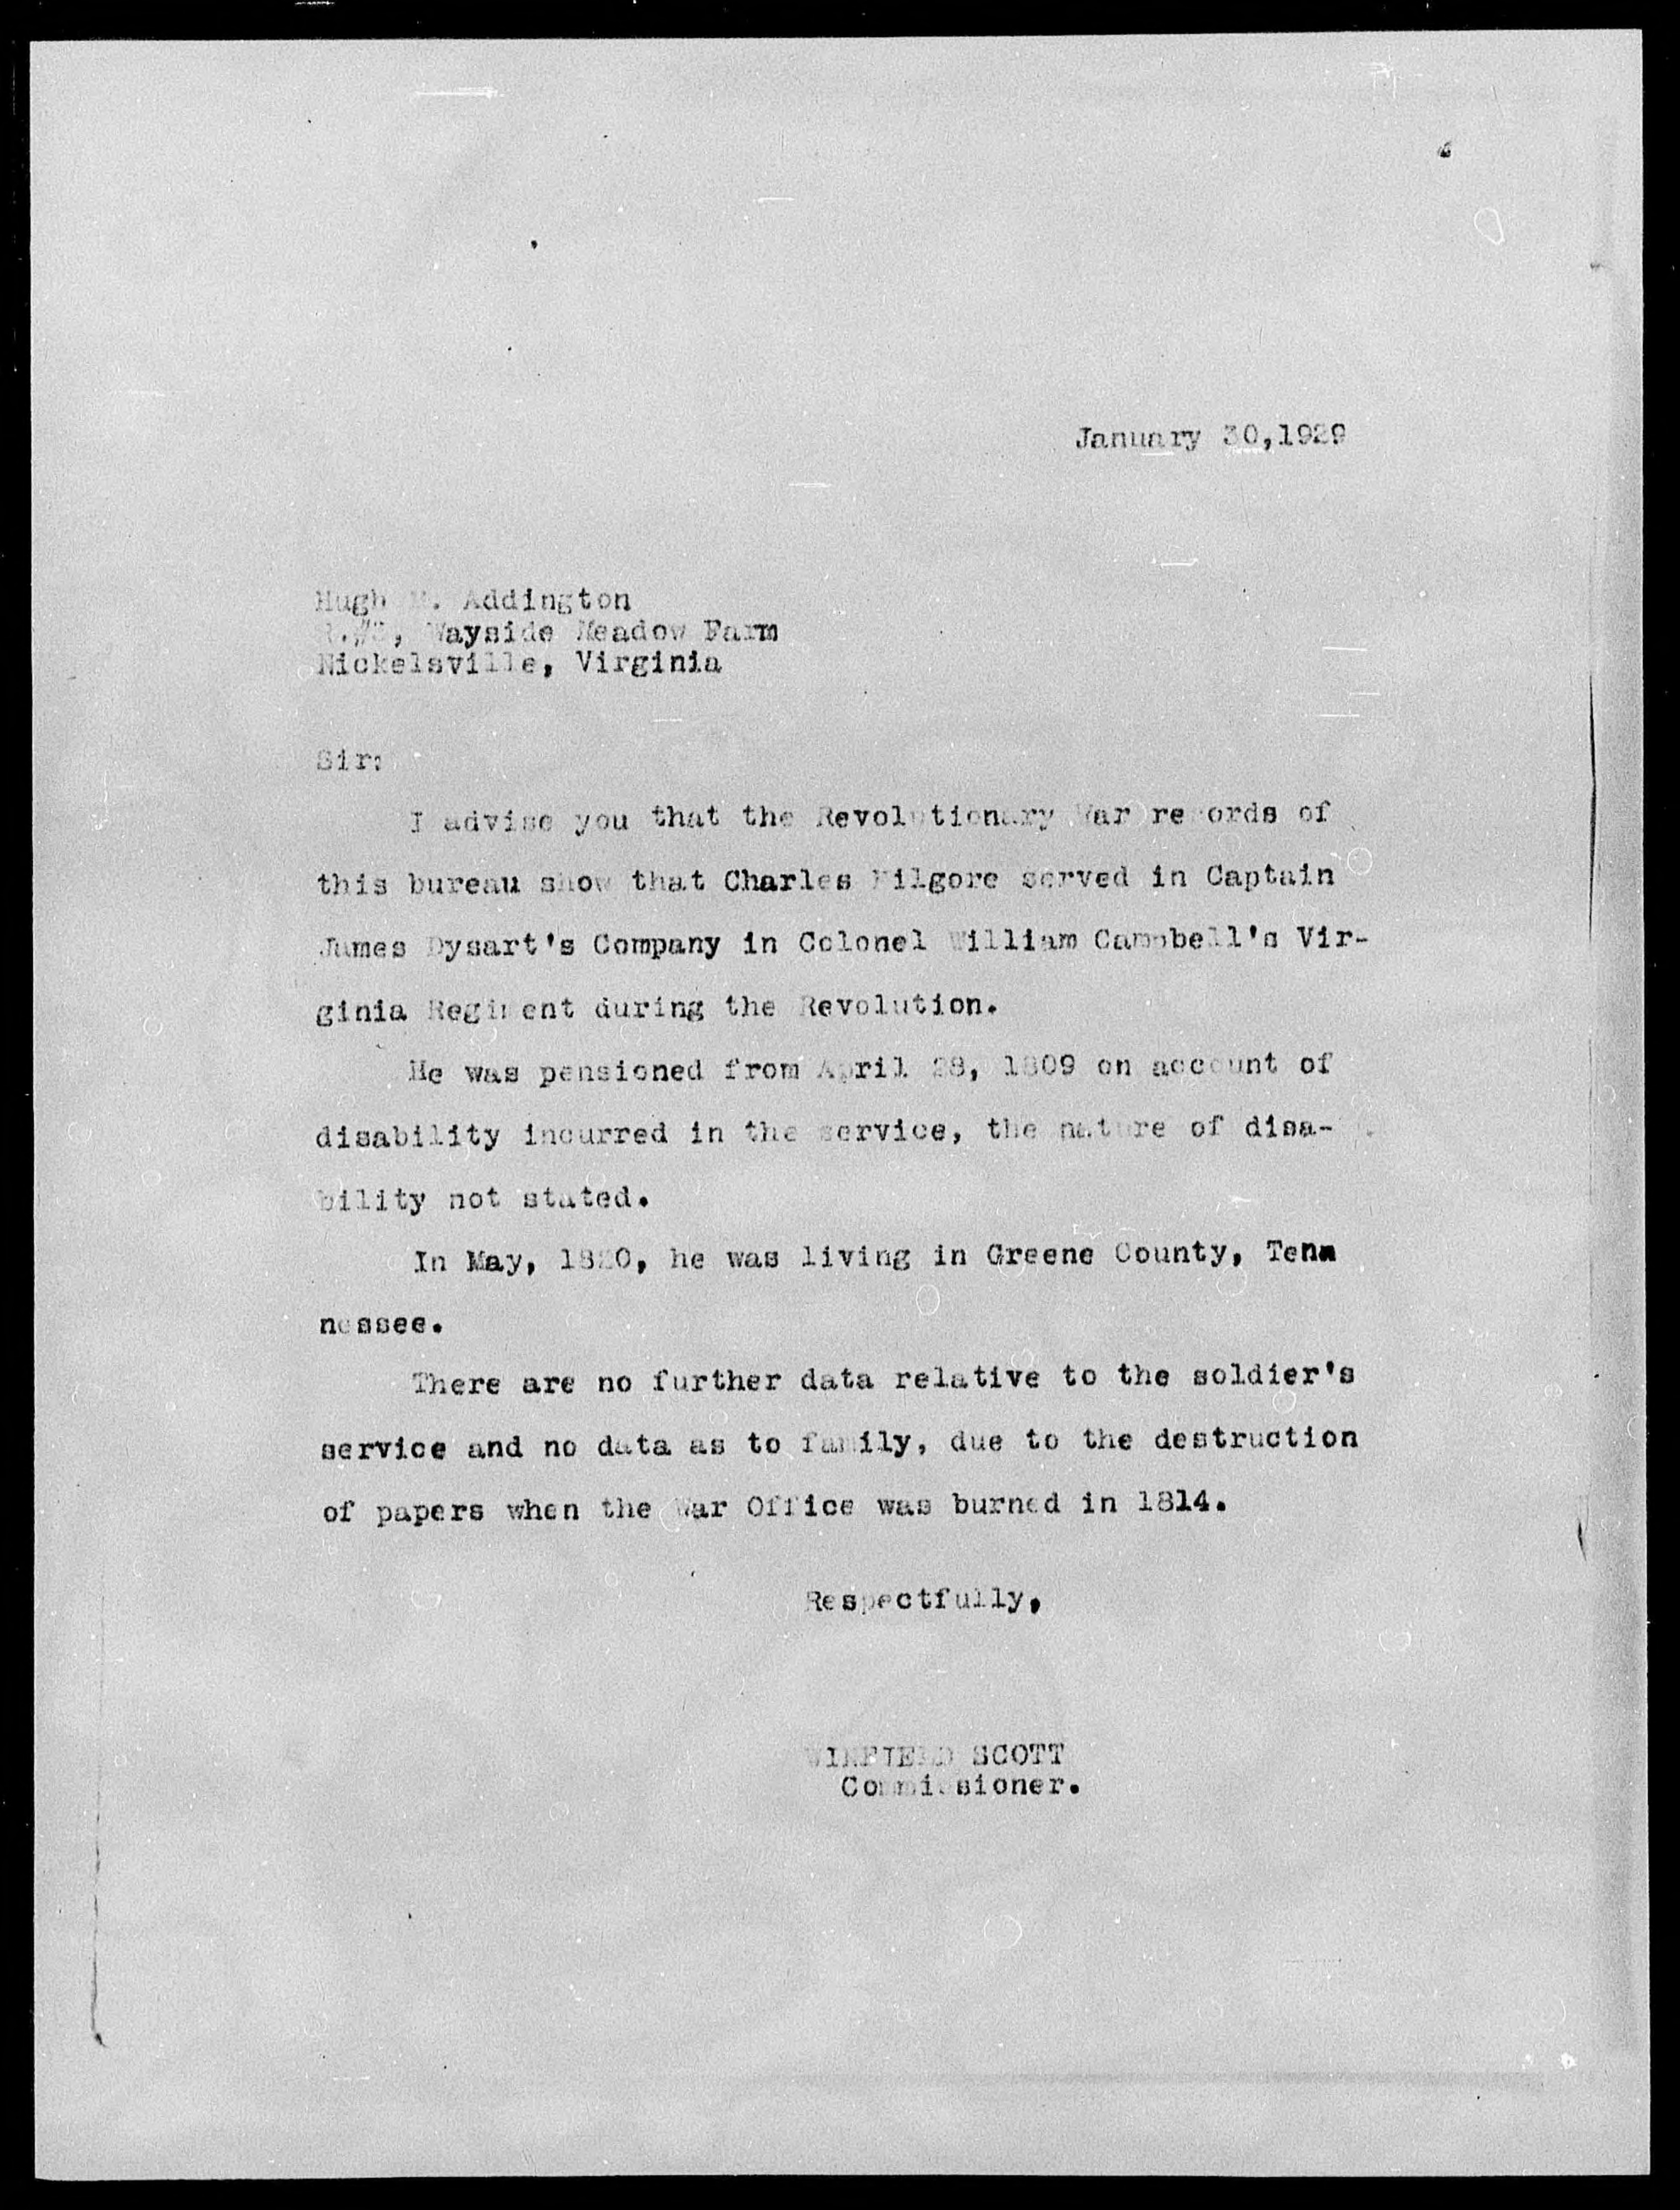January 30,1929

Hugh M. Addington
r.#3, Wayside Meadow Farm
Nickelsville, Virginia

Sir:
I advise you that the Revolutionary War records of this bureau show that Charles Kilgore served in Captain James Dysart's Company in Colonel William Campbell's Virginia Regiment during the Revolution.
He was pensioned from April 28, 1809 on account of disability incurred in the service, the nature of disability not stated.
In May, 1820, he was living in Greene County, Tennessee.
There are no further data relative to the soldier's service and no data as to family, due to the destruction of papers when the War Office was burned in 1814.
Respectfully,
WINFIELD SCOTT
Commissioner.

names: Charles Kilgore; Hugh M Addington; Winfield Scott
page: 29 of 115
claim: survivor's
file: S. 699, for Charles Kilgore, Virginia